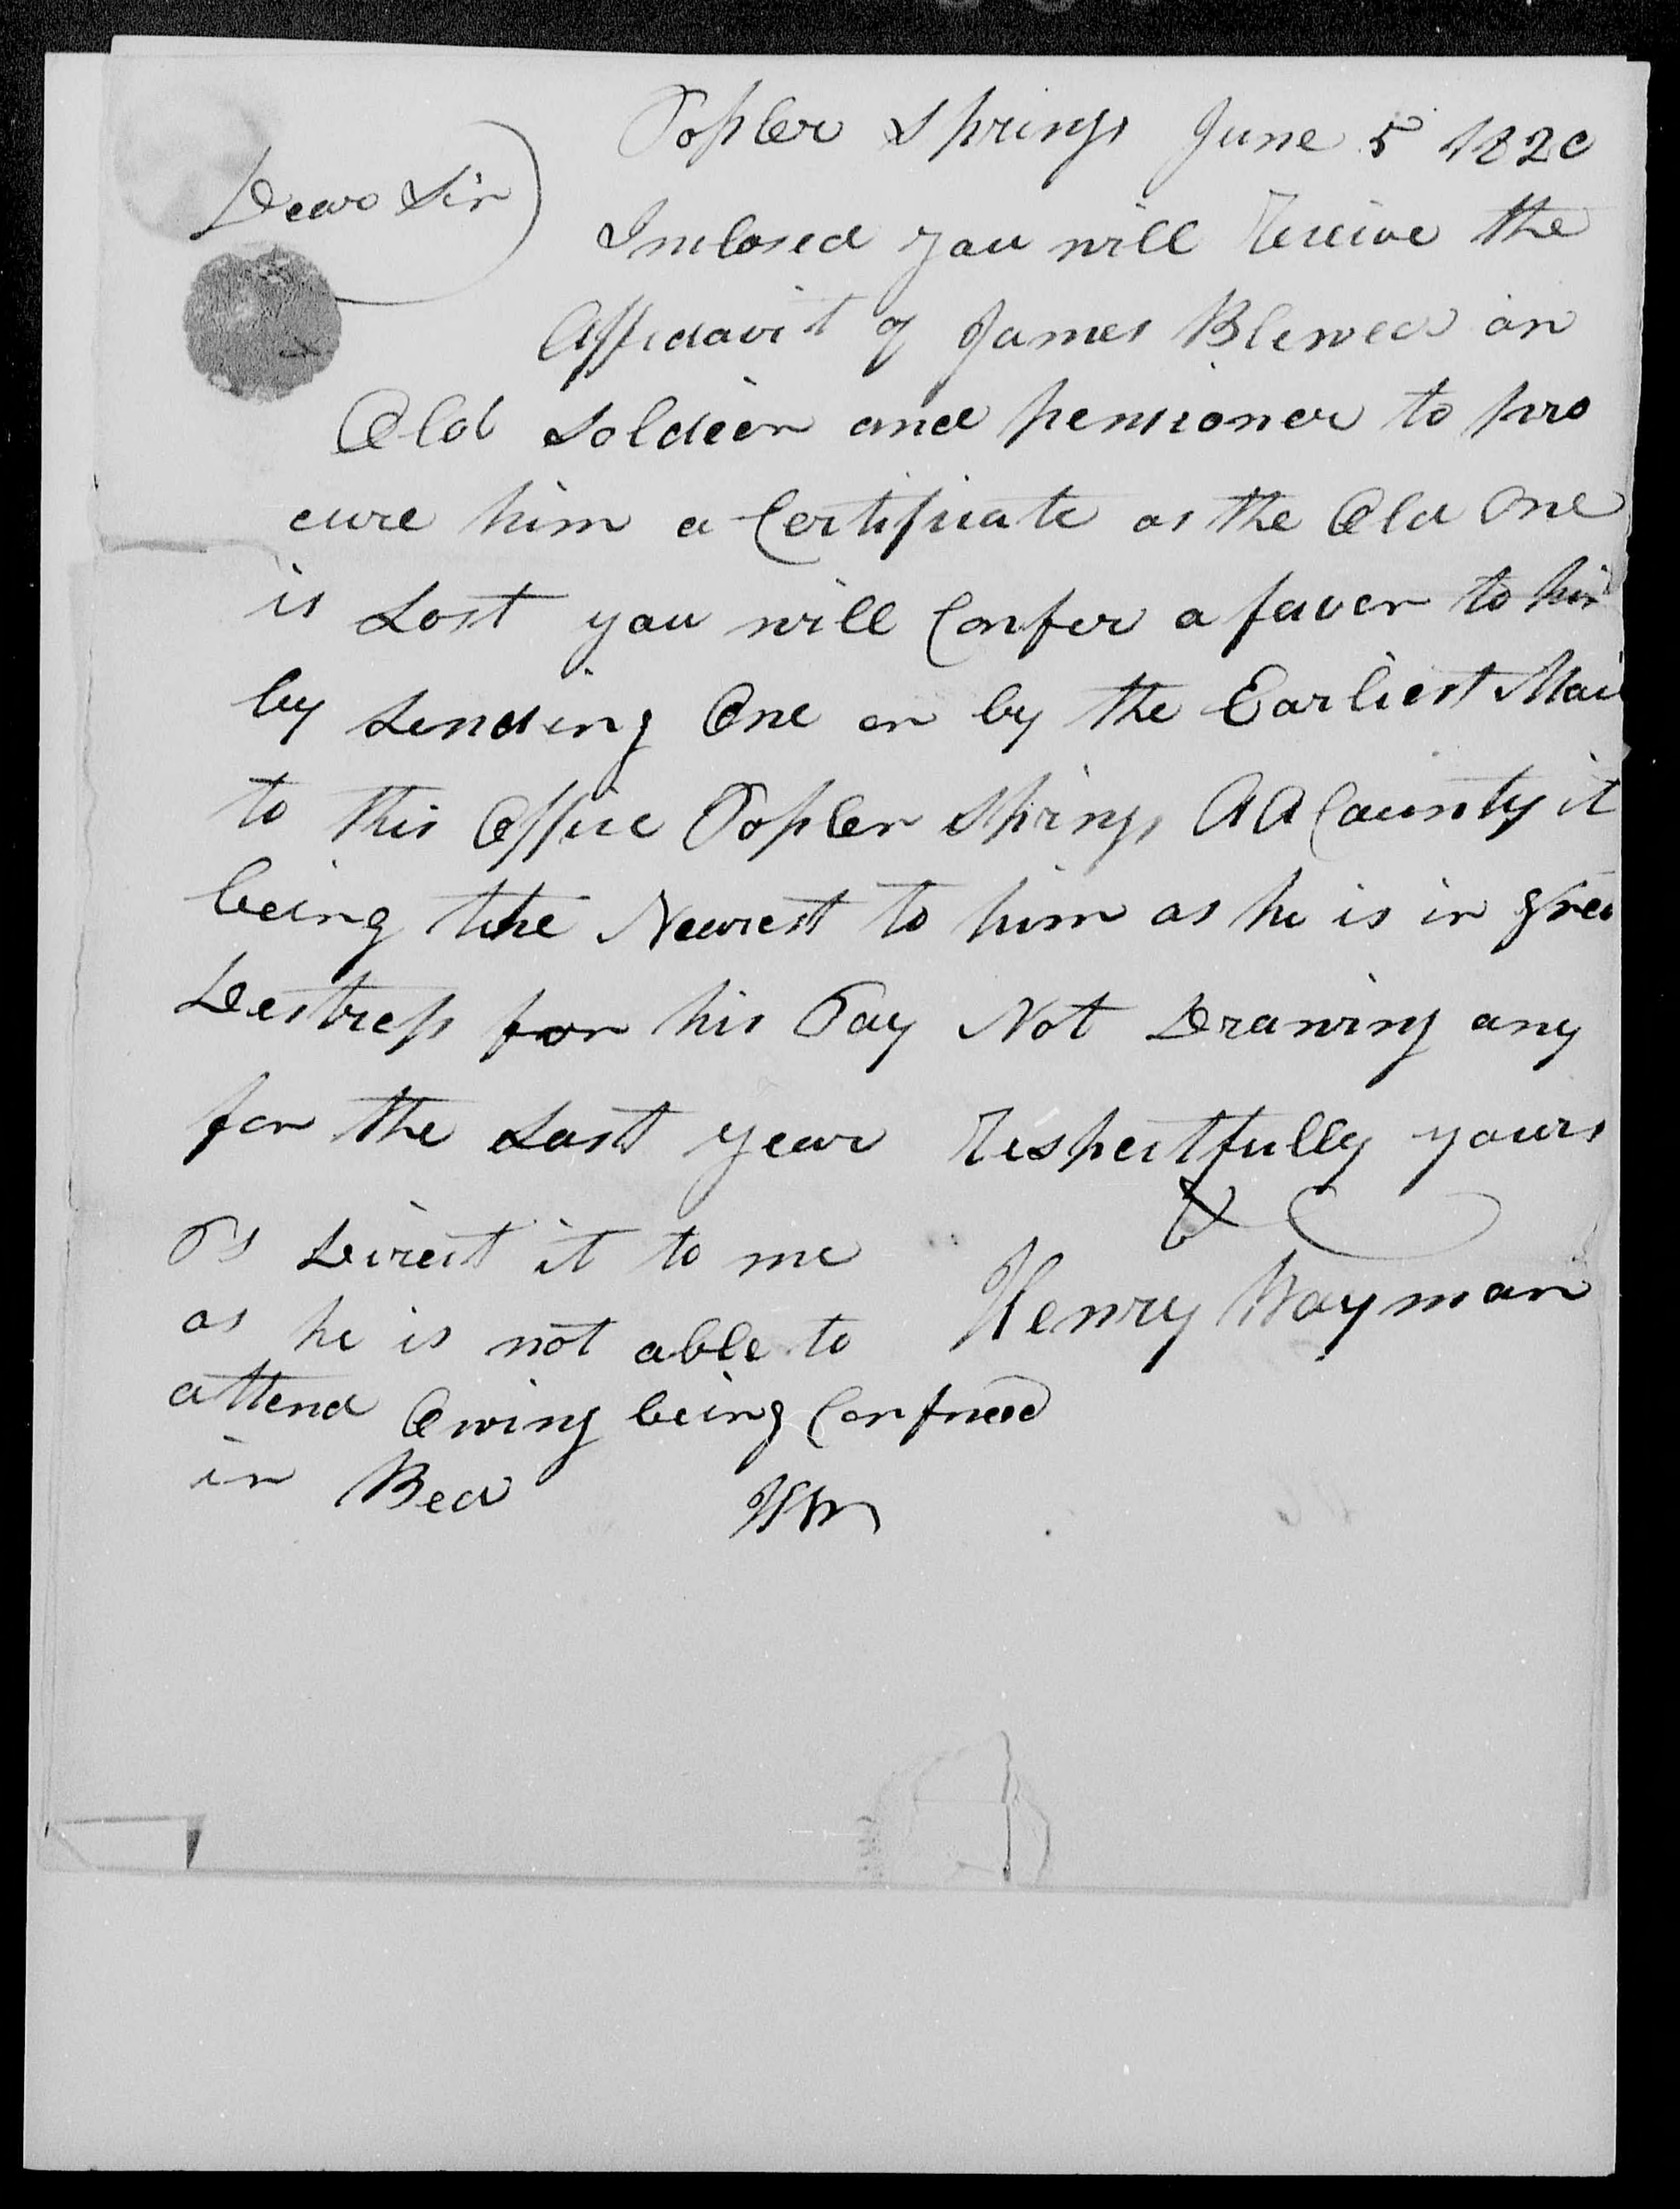Poplar Springs June 5, 1820

Dear Sir

Enclosed you will receive the affidavit of James Blewer an old soldier once pensioner to procure him a certificate as the old one is lost. You will confer a favor to him by sending one as by the earliest mail to this office Poplar Springs AA county it being the newest to him as he is in great distress for his pay not drawing any for the last year. 

Respectfully yours

Henry Wayman

or direct it to me as he is not able to attend owing being confined in bed.

HW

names: James Blewer, Henry Wayman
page: 25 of 30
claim: survivor's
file: S. 10093, James Blewer, Md.